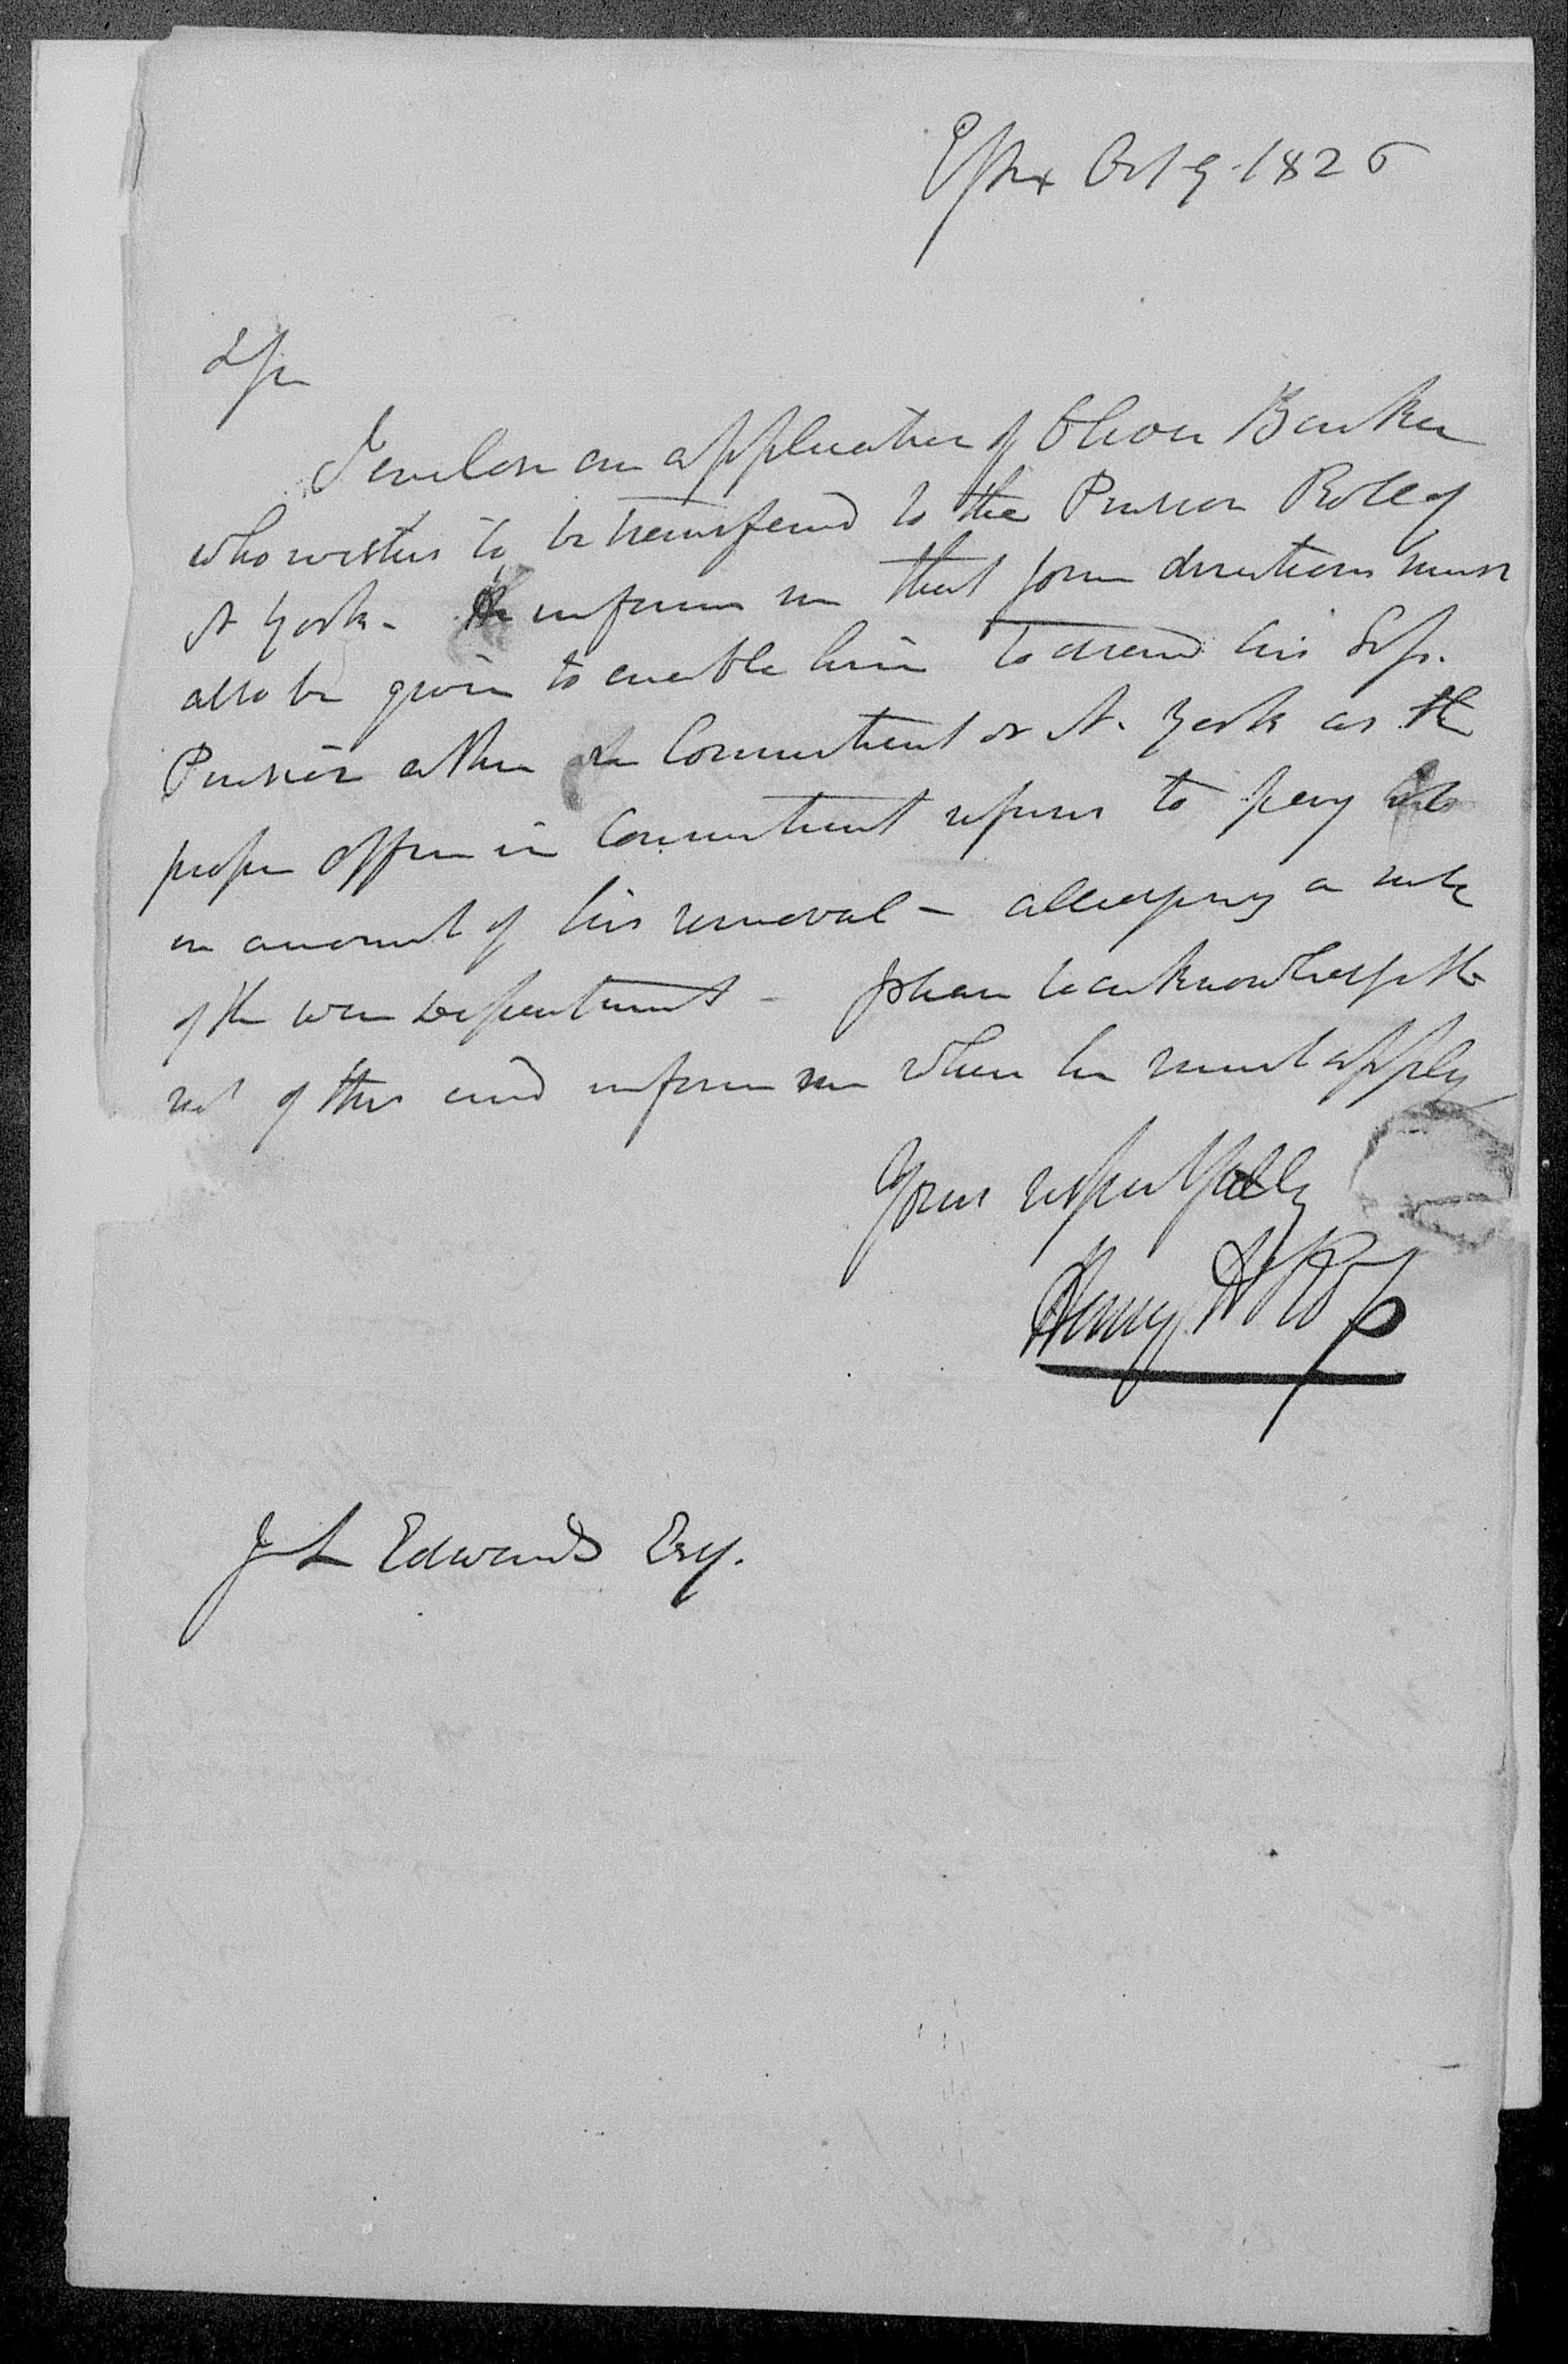Essex Oct 9 1826 
Sir
I enclose an application of Oliver Barker who is wanting to be transferred to the pension rolls of N York.  He informs me that from directions [unreadable] be given to enable him to draw his pension at either Connecticut or N. York as the proper office in Connecticut refuses to pay on account of his removal alledging a rule of the war department – please acknowledge recpt of this and inform me where he must apply.
Yours respfly 
Henry H. Ross
JL Edwards Esq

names: J L Edwards, Henry H Ross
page: 34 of 51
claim: widow's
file: W. 1698, Oliver Barker, Conn.